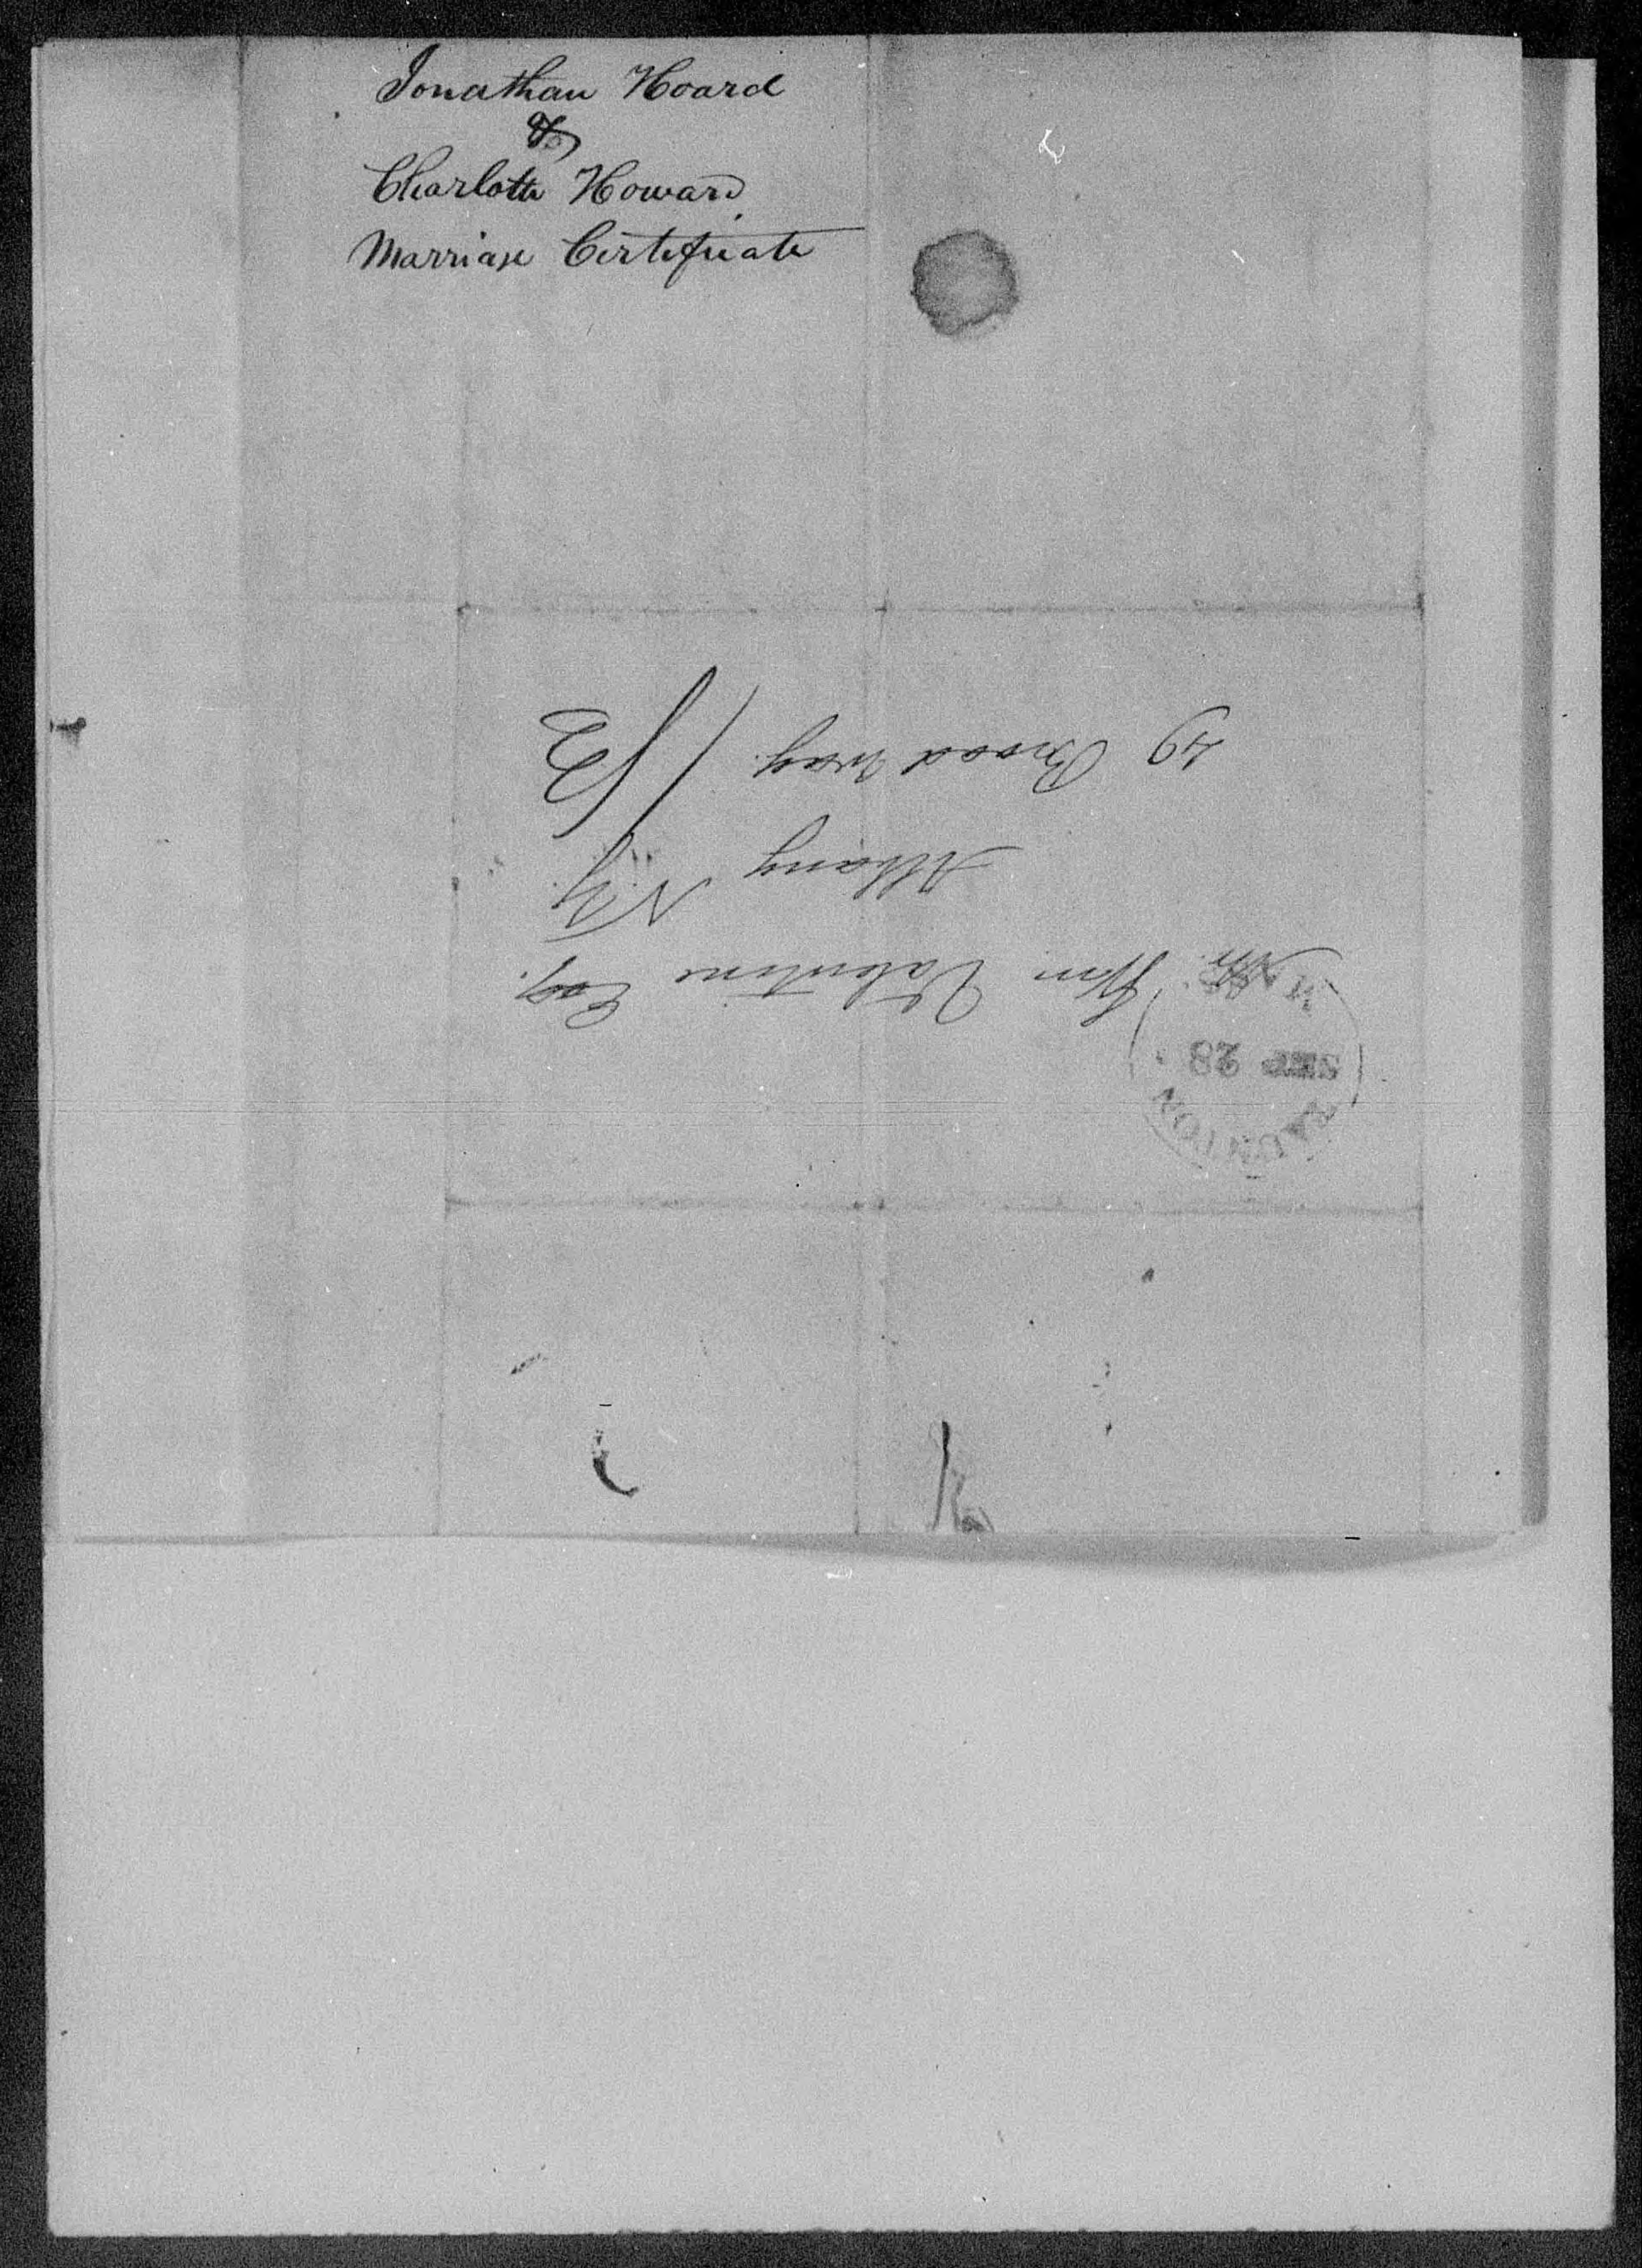Jonathan Hoard
To
Charlotte Howard
Marriage Certificate

TAUNTON 
MASS
SEP 28

Mr. Wm. Valentine Esq.
Albany N. Y. 
49 Broadway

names: Charlotte Howard, Jonathan Hoard, Wm Valentine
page: 8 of 52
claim: widow's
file: W 19755, Jonathan Hoard, Mass.